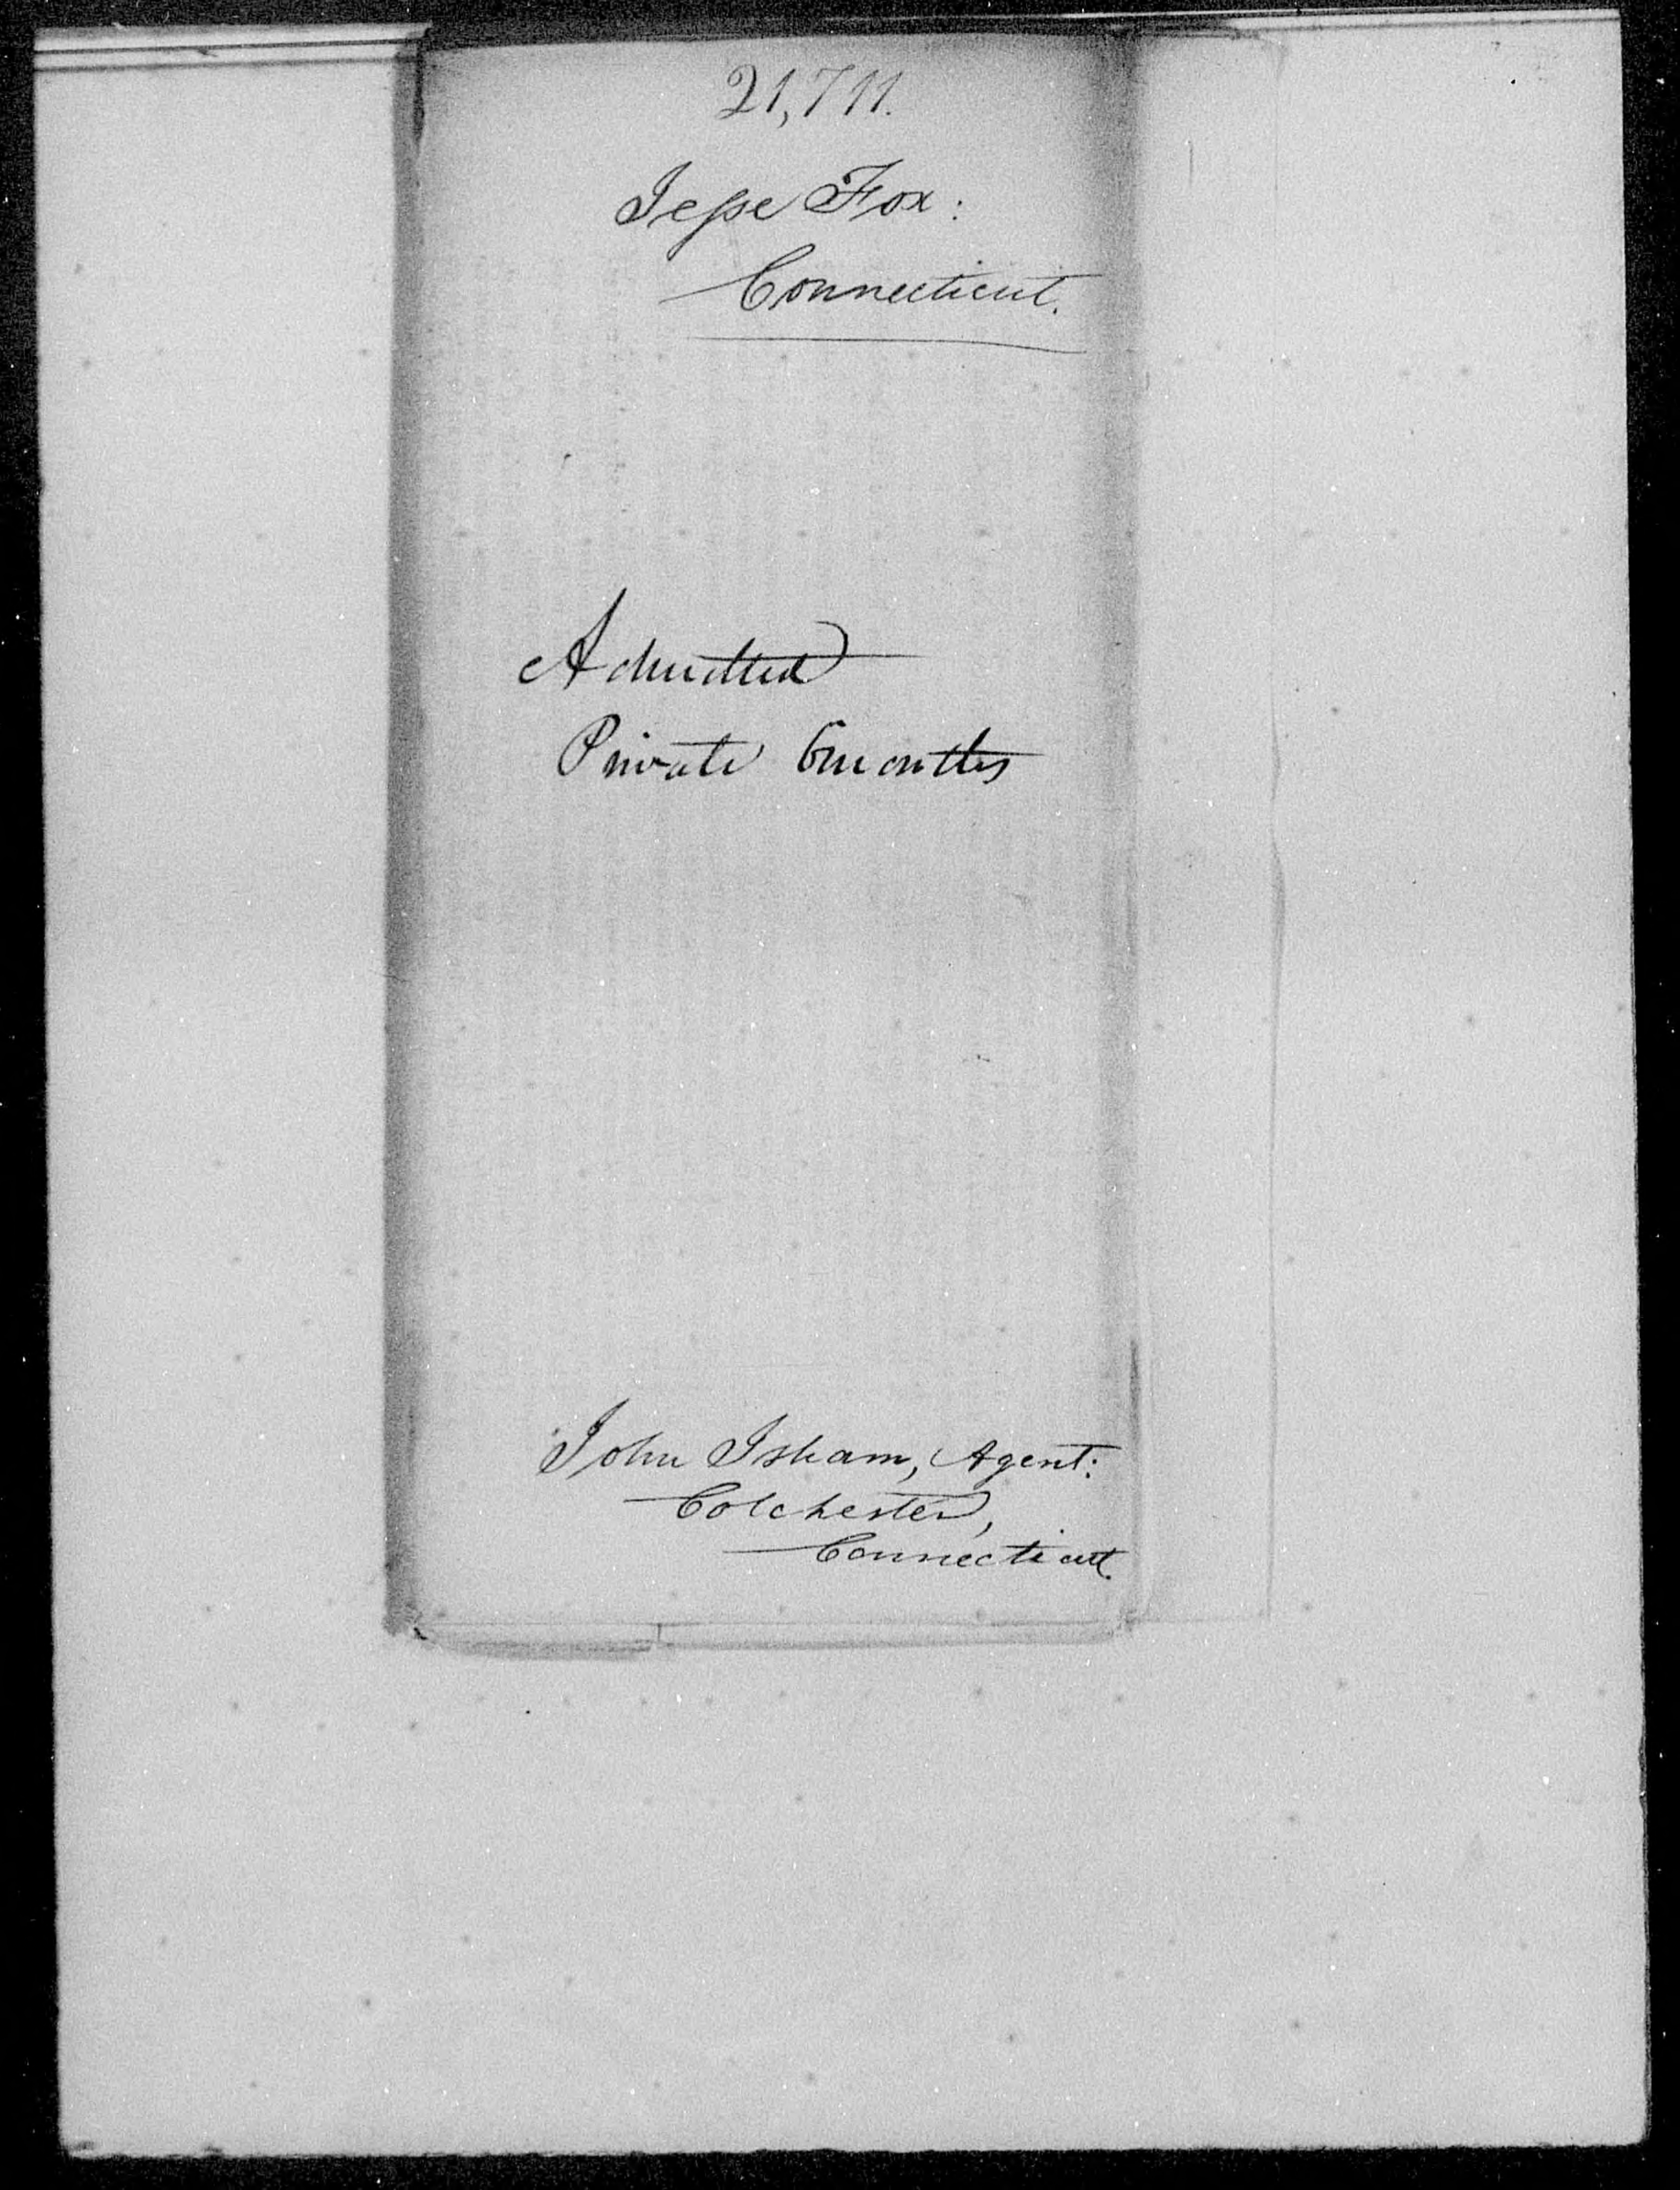21711
Jesse Fox
Connecticut

Admitted
Private 6 months

John Isham, Agent:
Colchester
Connecticut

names: John Isham, Jesse Fox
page: 12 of 53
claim: rejected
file: R. 3732, Jesse Fox, Conn.